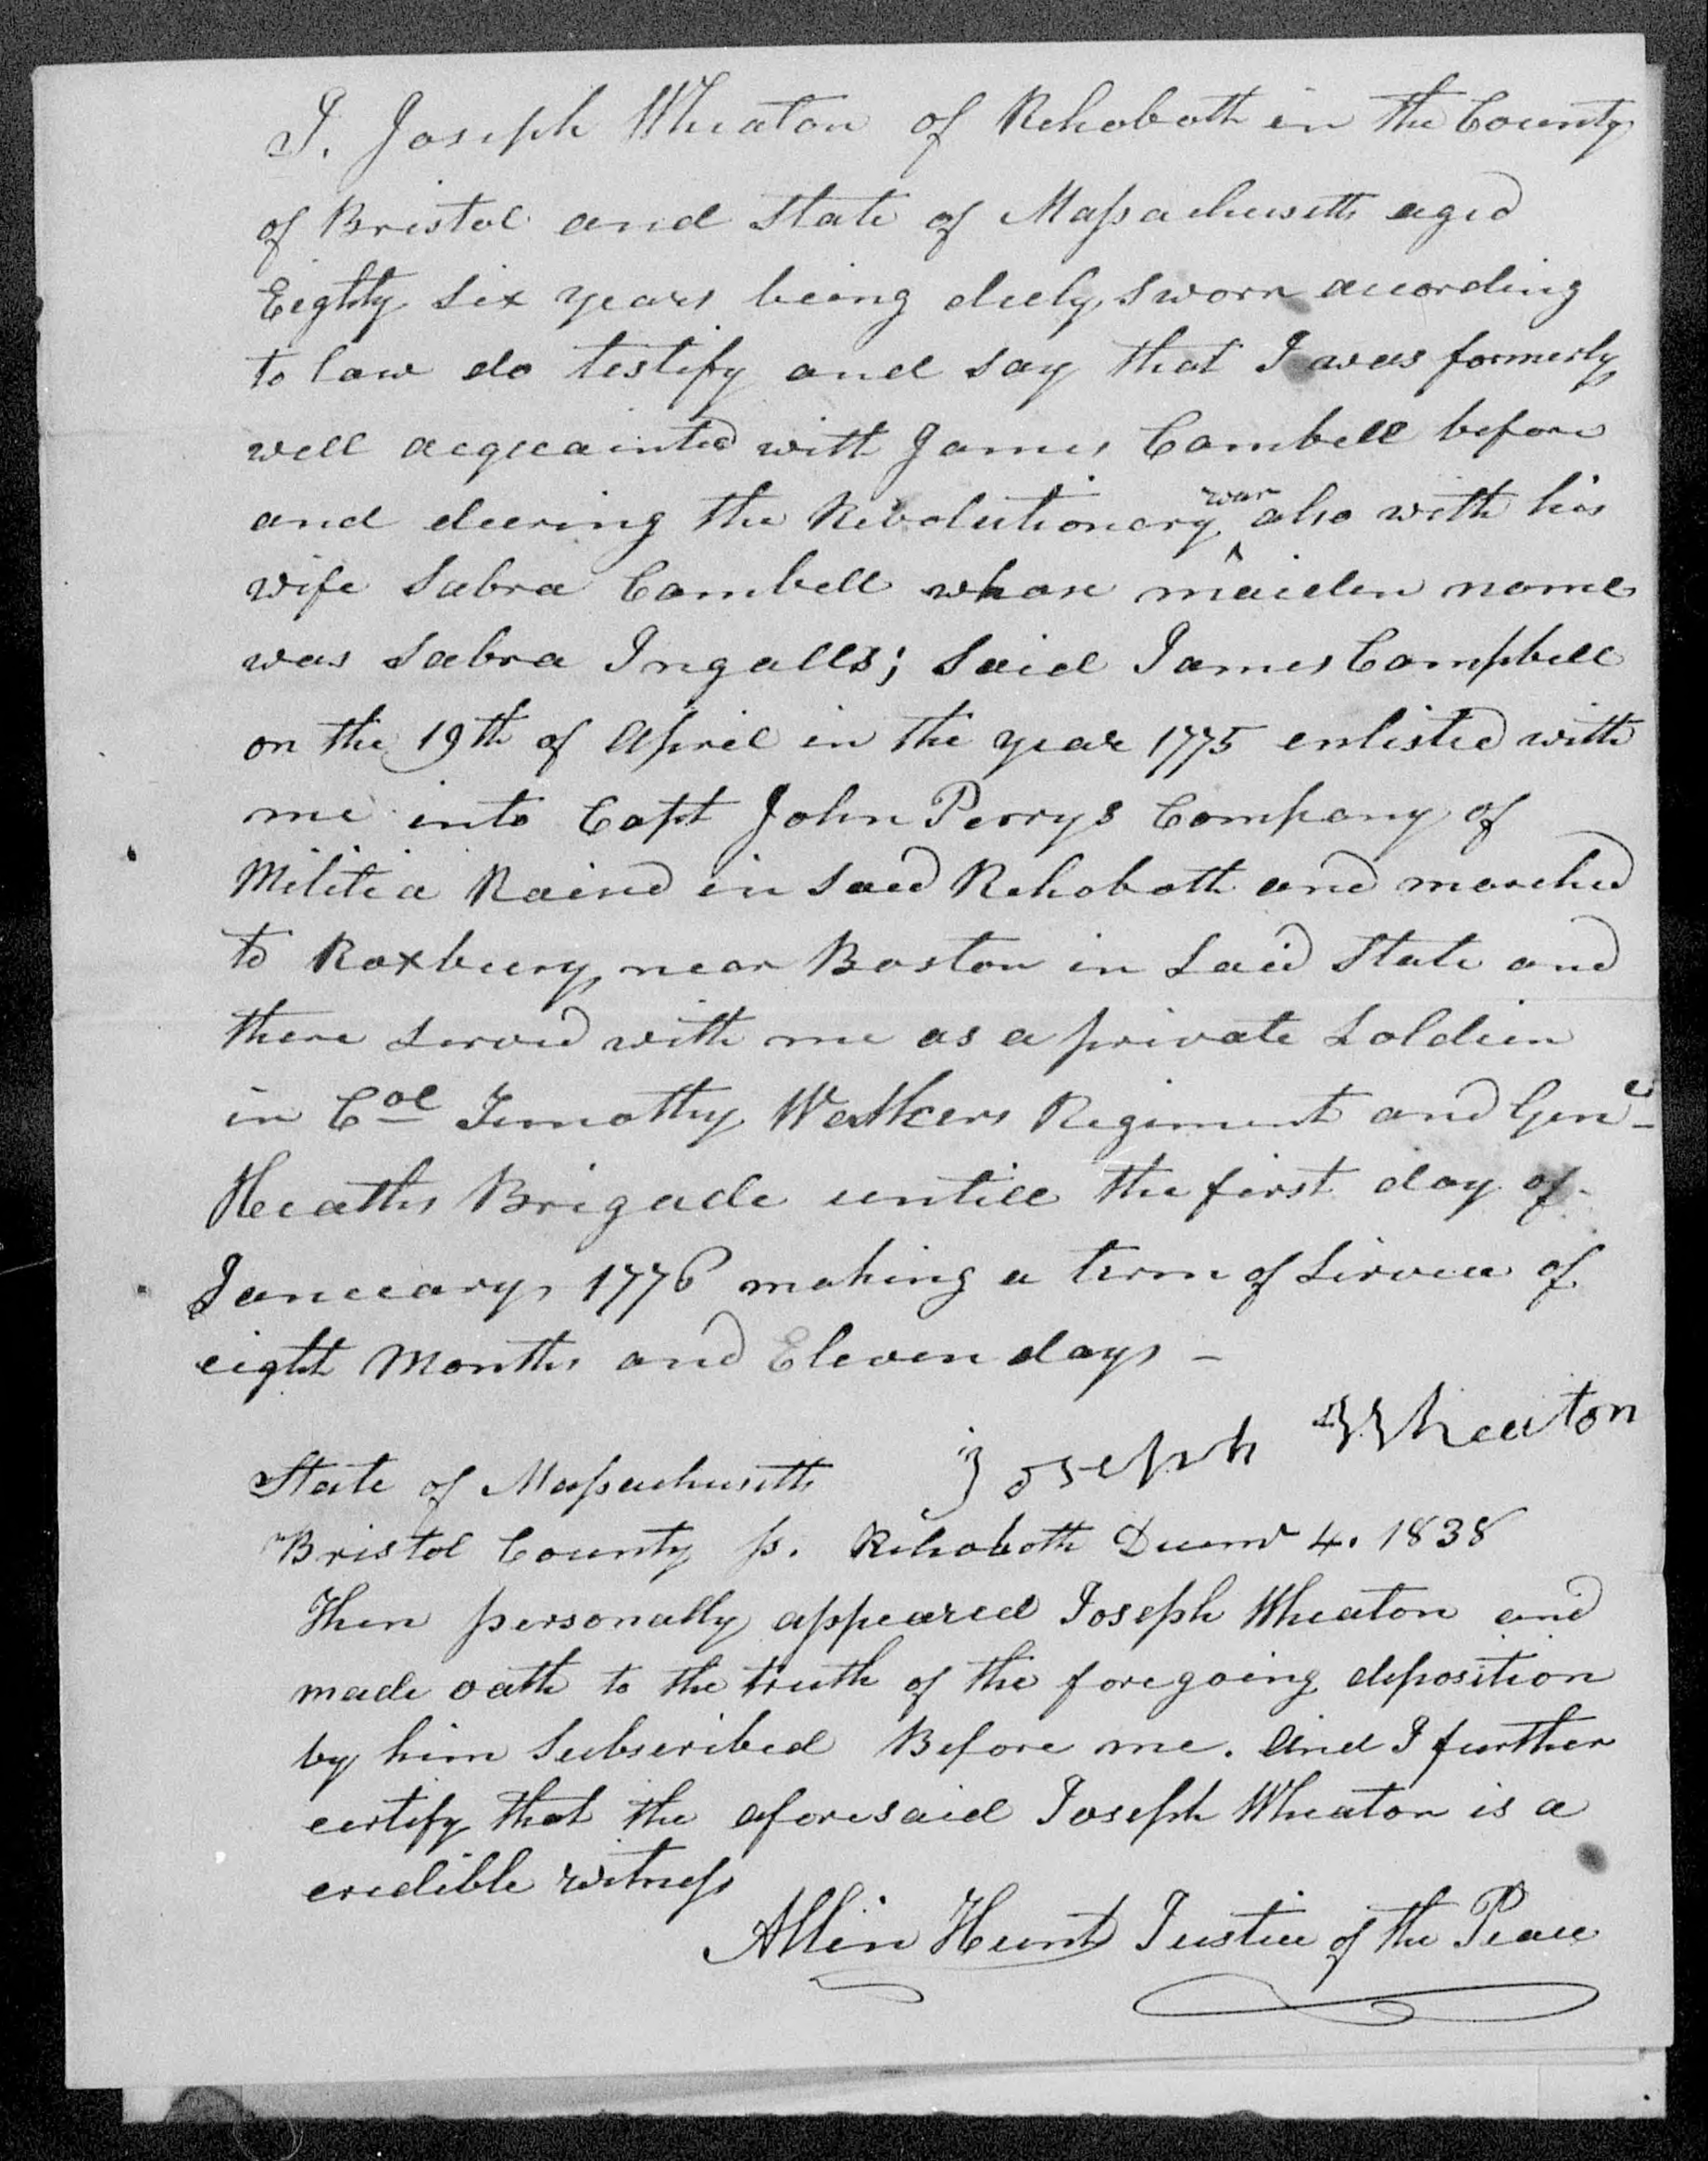I Joseph Wheaton of Rehoboth in the County
of Bristol and State of Massachusetts aged
Eighty Six years being duly Sworn according to
Law do testify and Say that I was formerly
well acquainted with James Cambell before
and during the Revolutionary war also with his
wife Sabra Cambell whose maiden name was Sabra Ingalls; Said James Campbell on the 19th of April in the year 1775 enlisted with me into Capt. John Perrys Company of Militia Raised in Said Rehoboth and marched to Roxbury near Boston in Said State and there served with me as a private Soldier in Col. Timothy Walkers Regiment and Genl. Heaths Brigade untill (until) the first day of January, 1776 making a term of Service of eight months and Eleven days -
Joseph Wheaton


State of Massachusetts
Bristol County ss. Rehoboth Decemr. 4. 1838
Then personally appeared Joseph Wheaton and made oath to the truth of the foregoing deposition by him Subscribed Before me. And I further certify that the aforesaid Joseph Wheaton is a credible witness
Allin Hunt Justice of the Peace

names: Joseph Wheaton, Sabra Ingalls, Joseph Wheaton, Joseph Wheaton, Joseph Wheaton, James Campbell, Sabra Cambell, James Cambell, Allin Hunt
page: 42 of 67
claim: widow's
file: W. 23772, James Campbell, Continental Mass.